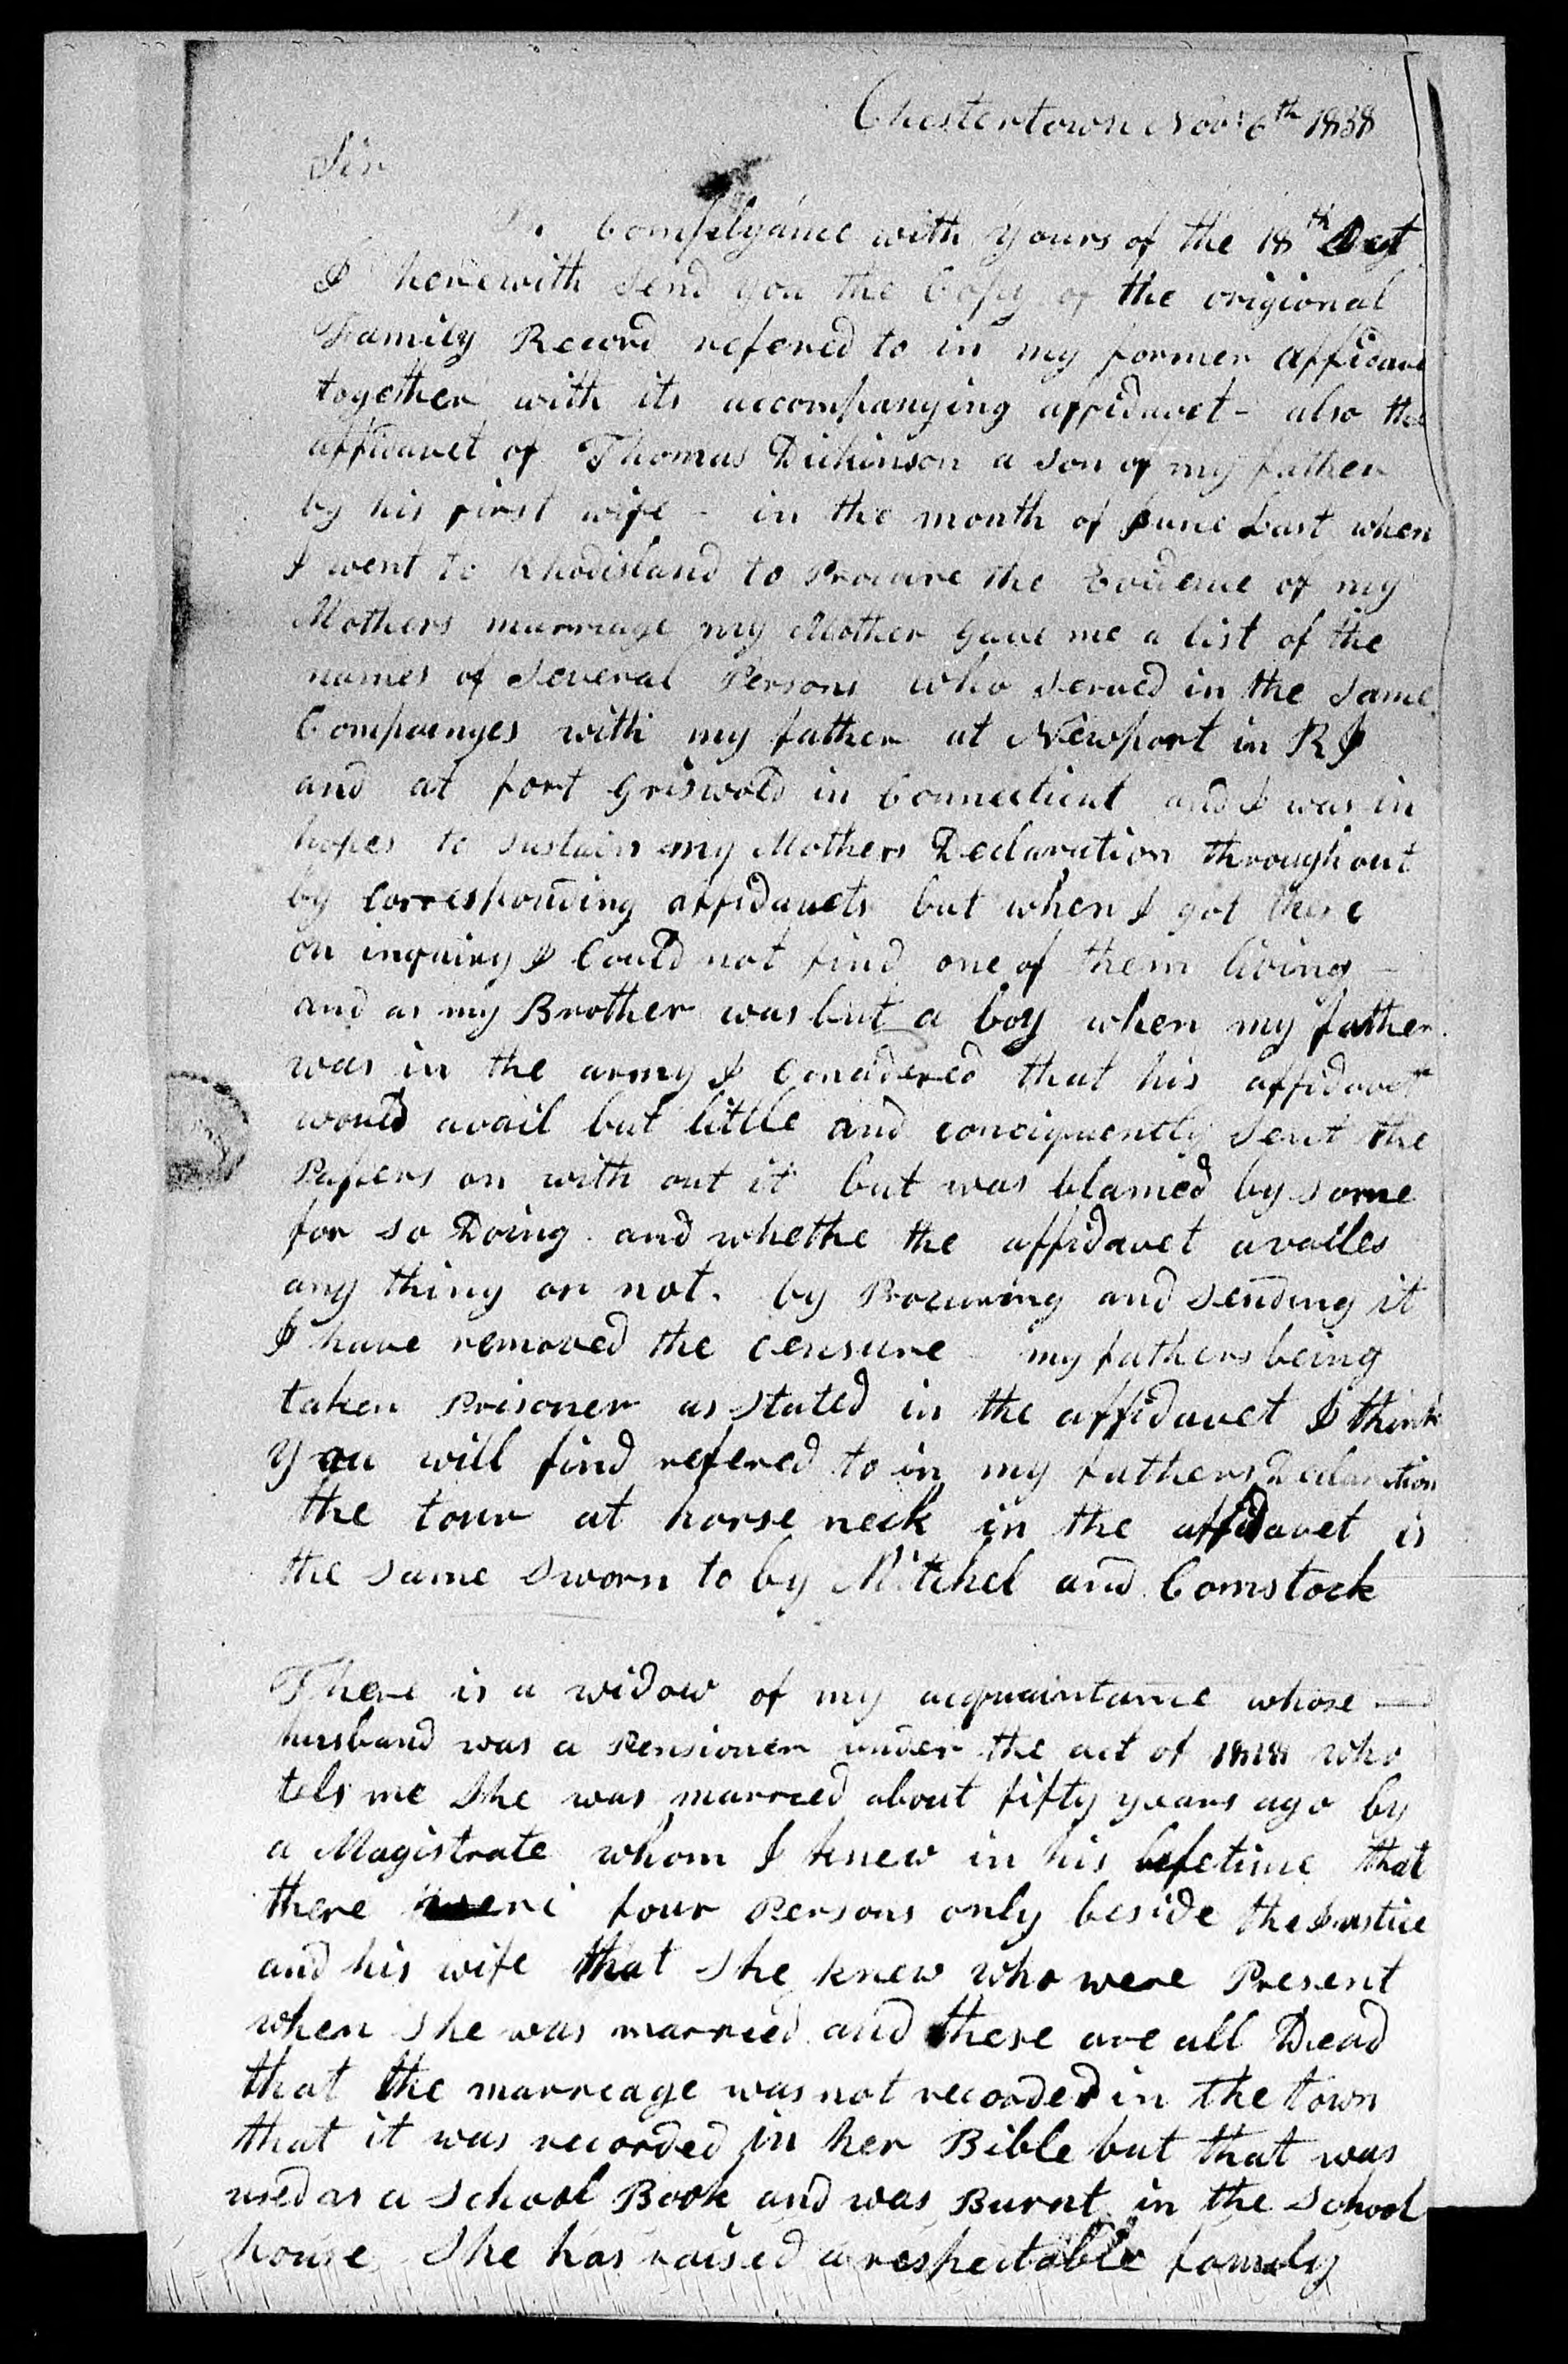Chestertown Nov 6th 1838
Sir
In complyance [compliance] with yours of the 18th Oct
I herewith send you the Copy of the original
Family Record refered [referred] to in my former affidavit
together with its accompanying affidavit - also the
affidavit of Thomas Dickinson a son of my father
by his first wife in the month of June last when
I went to Rhodisland [Rhode Island] to procure the Evidence of my
Mothers marriage my Mother gave me a list of the
names of several persons who served in the same
Companyes [Companies] with my father at Newport in RI
and at fort Griswold in Connecticut and I was in
hopes to sustain my Mother's Declaration throughout
by corresponding affidavits but when I got there
on inquiry I could not find one of them living
and as my Brother was but a boy when my father
was in the army I considered that his affidavit
would avail but little and consiquently [consequently] sent the
papers on with out it but was blamed by some
for so Doing and whether the affidavit availes [avails]
any thing on not by procuring and sending it
I have removed the censure my fathers being
taken prisoner as stated in the affidavit I think
you will find refered [referred] to in my fathers Declaration
the town at horse neck in the affidavit
the same Sworn to by Mitchel and Comstock

There is a widow of my acquaintance whose
husband was a pensioner under the act of 1818 who
tels [tells] me she was married about fifty years ago by
a Magistrate whom I knew in his lifetime that
there were four persons only beside the Justice
and his wife that she knew who were present
when she was married and these are all Dead
that the marriage was not recorded in the town
that it was recorded in her Bible but that was
used as a school Book and was burnt in the school
house She has raised a respectable family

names: Mitchel, Comstock, Thomas Dickinson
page: 38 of 60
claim: widow's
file: W 16,955, Samuel Dickinson, Conn.